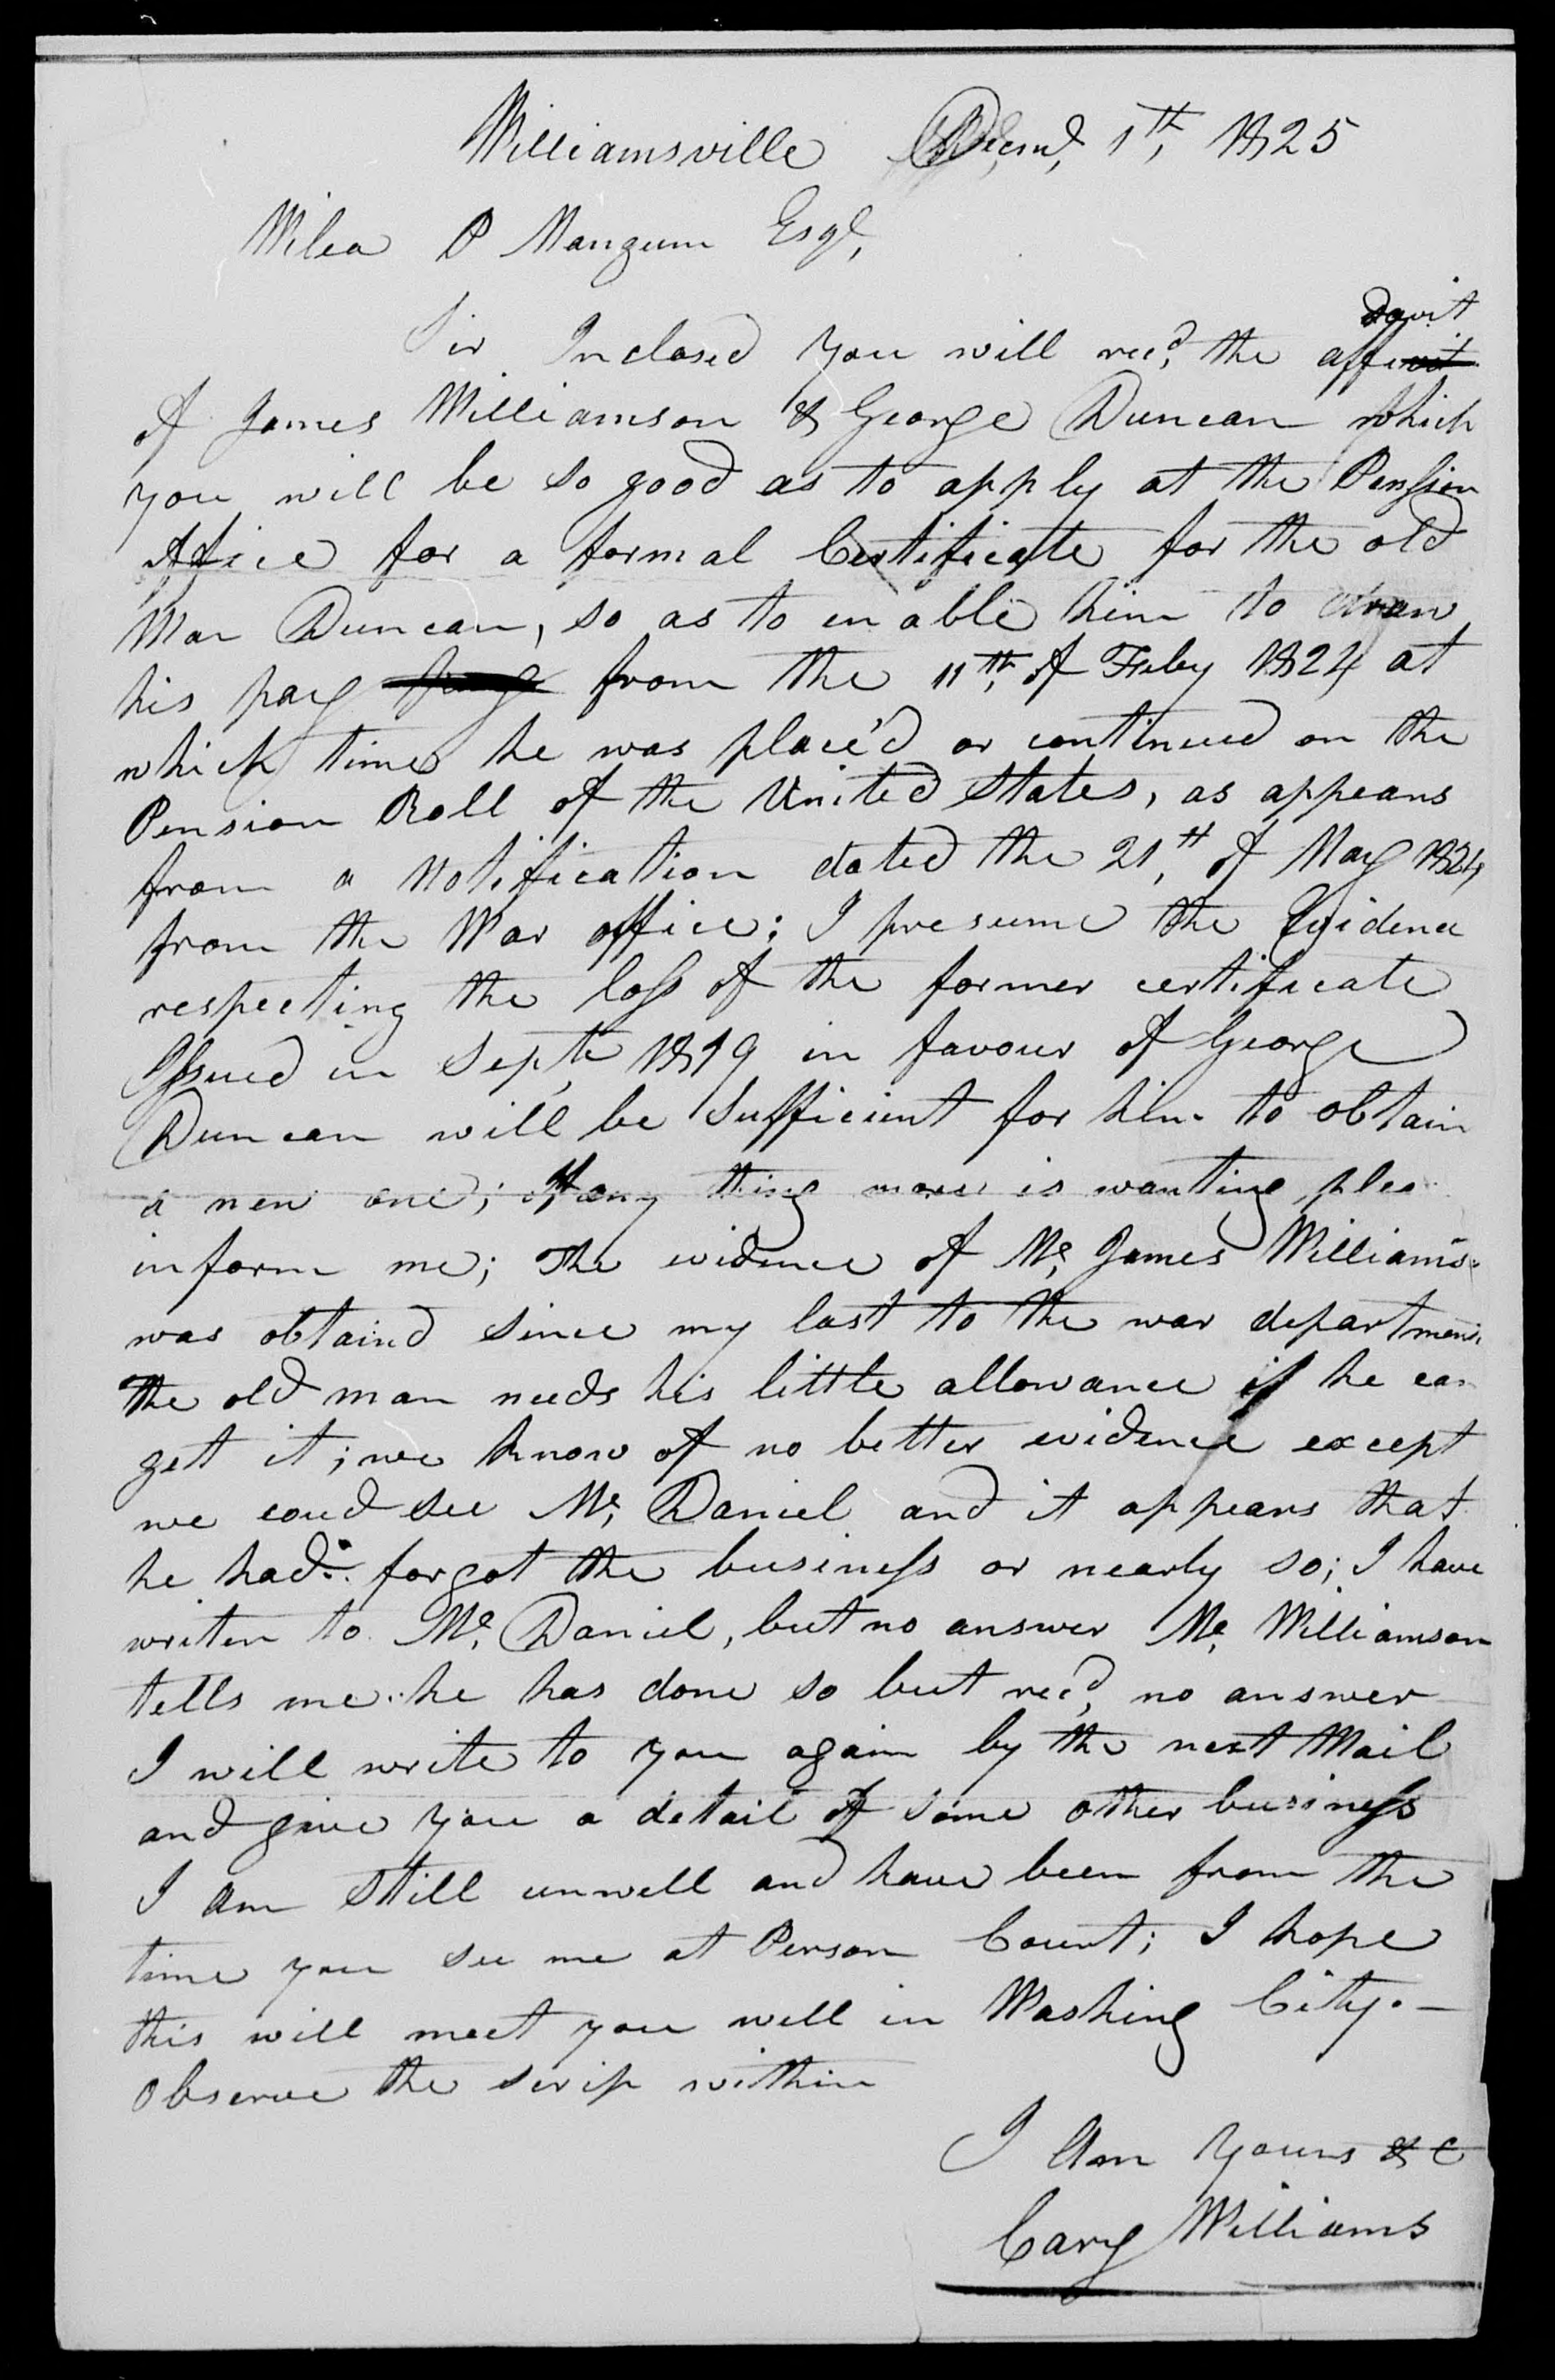Williamsvillle  Dec 1th 1825

Wilee P Mangum Esqr.

Sir    Inclosed you will rec'd the affidavit of James Williamson & George Duncan which you will be so good as to apply at the Pension Office for a formal Certificate for the old man Duncan, so as to enable him to draw his pay from the 11th of Feby 1824 at which time he was placed or continued on the Pension Roll of the United States, as appears from a notification dated the 21th of May 1824 from the War Office; I presumed the evidence respecting the loss of the former certificate issued in Sept 1819 in favor of George Duncan will be sufficient for him to obtain an new one; Any thin more is wanting please inform me; the evidence of Mr. James Williamson was obtained since my last to the war department.  The old man needs his little allowance if he can get it; we know of no better evidence except we could see Mr. Daniel and it appears that he had forgot the business or nearly so; I have written to Mr. Daniel, but no answer Mr. Williamson tells me he has done so but rec'd no answer.  I will write to you again by the next Mail and give you a detail of some other business I am still unwell and have been from the time you see me at Person Court; I hope this will meet you well in Washing City.  Observe the service within.

I am yours
Cary Williams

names: Wilia P Mangum, George Duncan, Duncan, James Williams, Daniel, Daniel, Williamson, James Williamson, George Duncan, Cary Williams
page: 25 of 49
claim: survivor's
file: S. 41513, George Duncan, N.C.